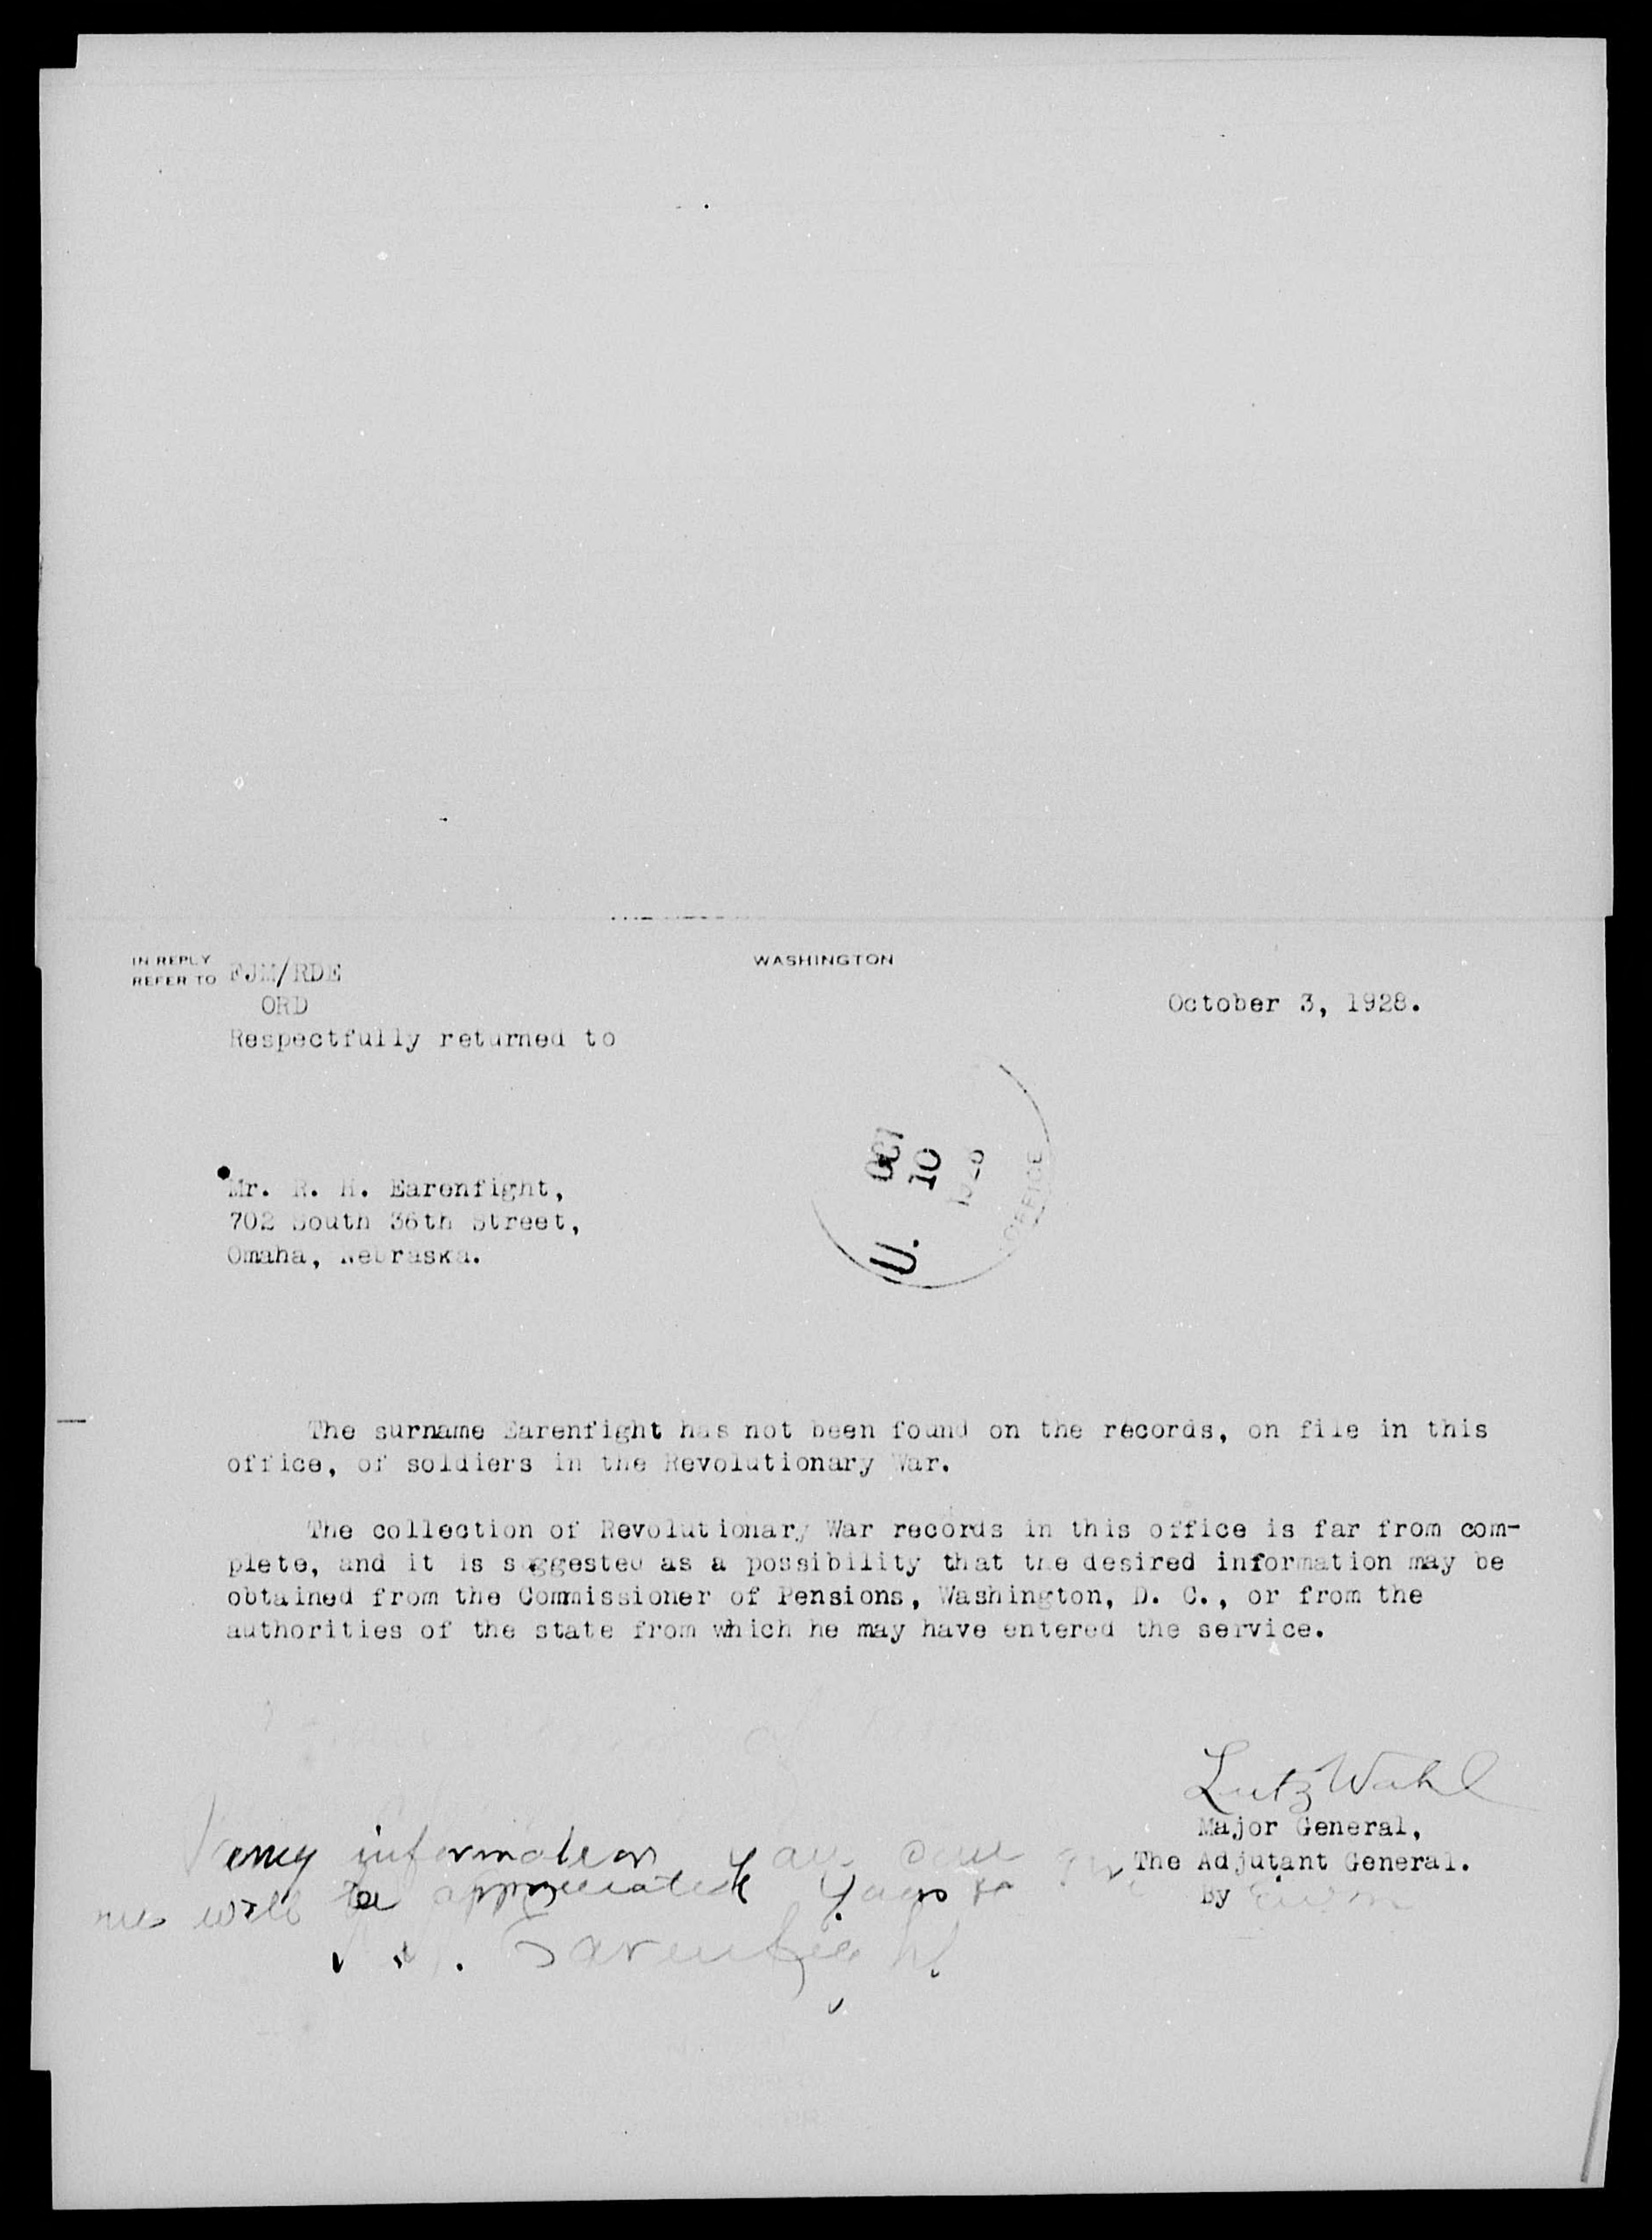In Reply Refer to  FJM/RDE  ORD      Washington      October 3, 1928.
Respectfully returned to
 Mr. R.H. Earenfight
702 South 36th Street
Omaha, Nebraska
[stamp] OCT 10 1928

  The surname Earenfight has not been found on the records, on file in this office, of soldiers in the Revolutionary War.
  The collection of Revolutionary War records in this office is far from complete and it is suggested as a possibility that the desired information may be obtained from the Commissioner of Pensions, Washington, D.C., or from the authorities of the state from which he may have entered the service.
  [signature] Lutz Wahl  The Adjutant General.  By [Eiwn?]

[h/w]  Any information you can give me will be appreciated
yours   R.H. Earenfight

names: Earenfight, R R Earenfight, Ewon, Lutz Wahl, R R Earenfight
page: 13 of 21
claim: survivor's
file: S. 42691, Jacob Earenfight, Continental Ohio Residence And Agency